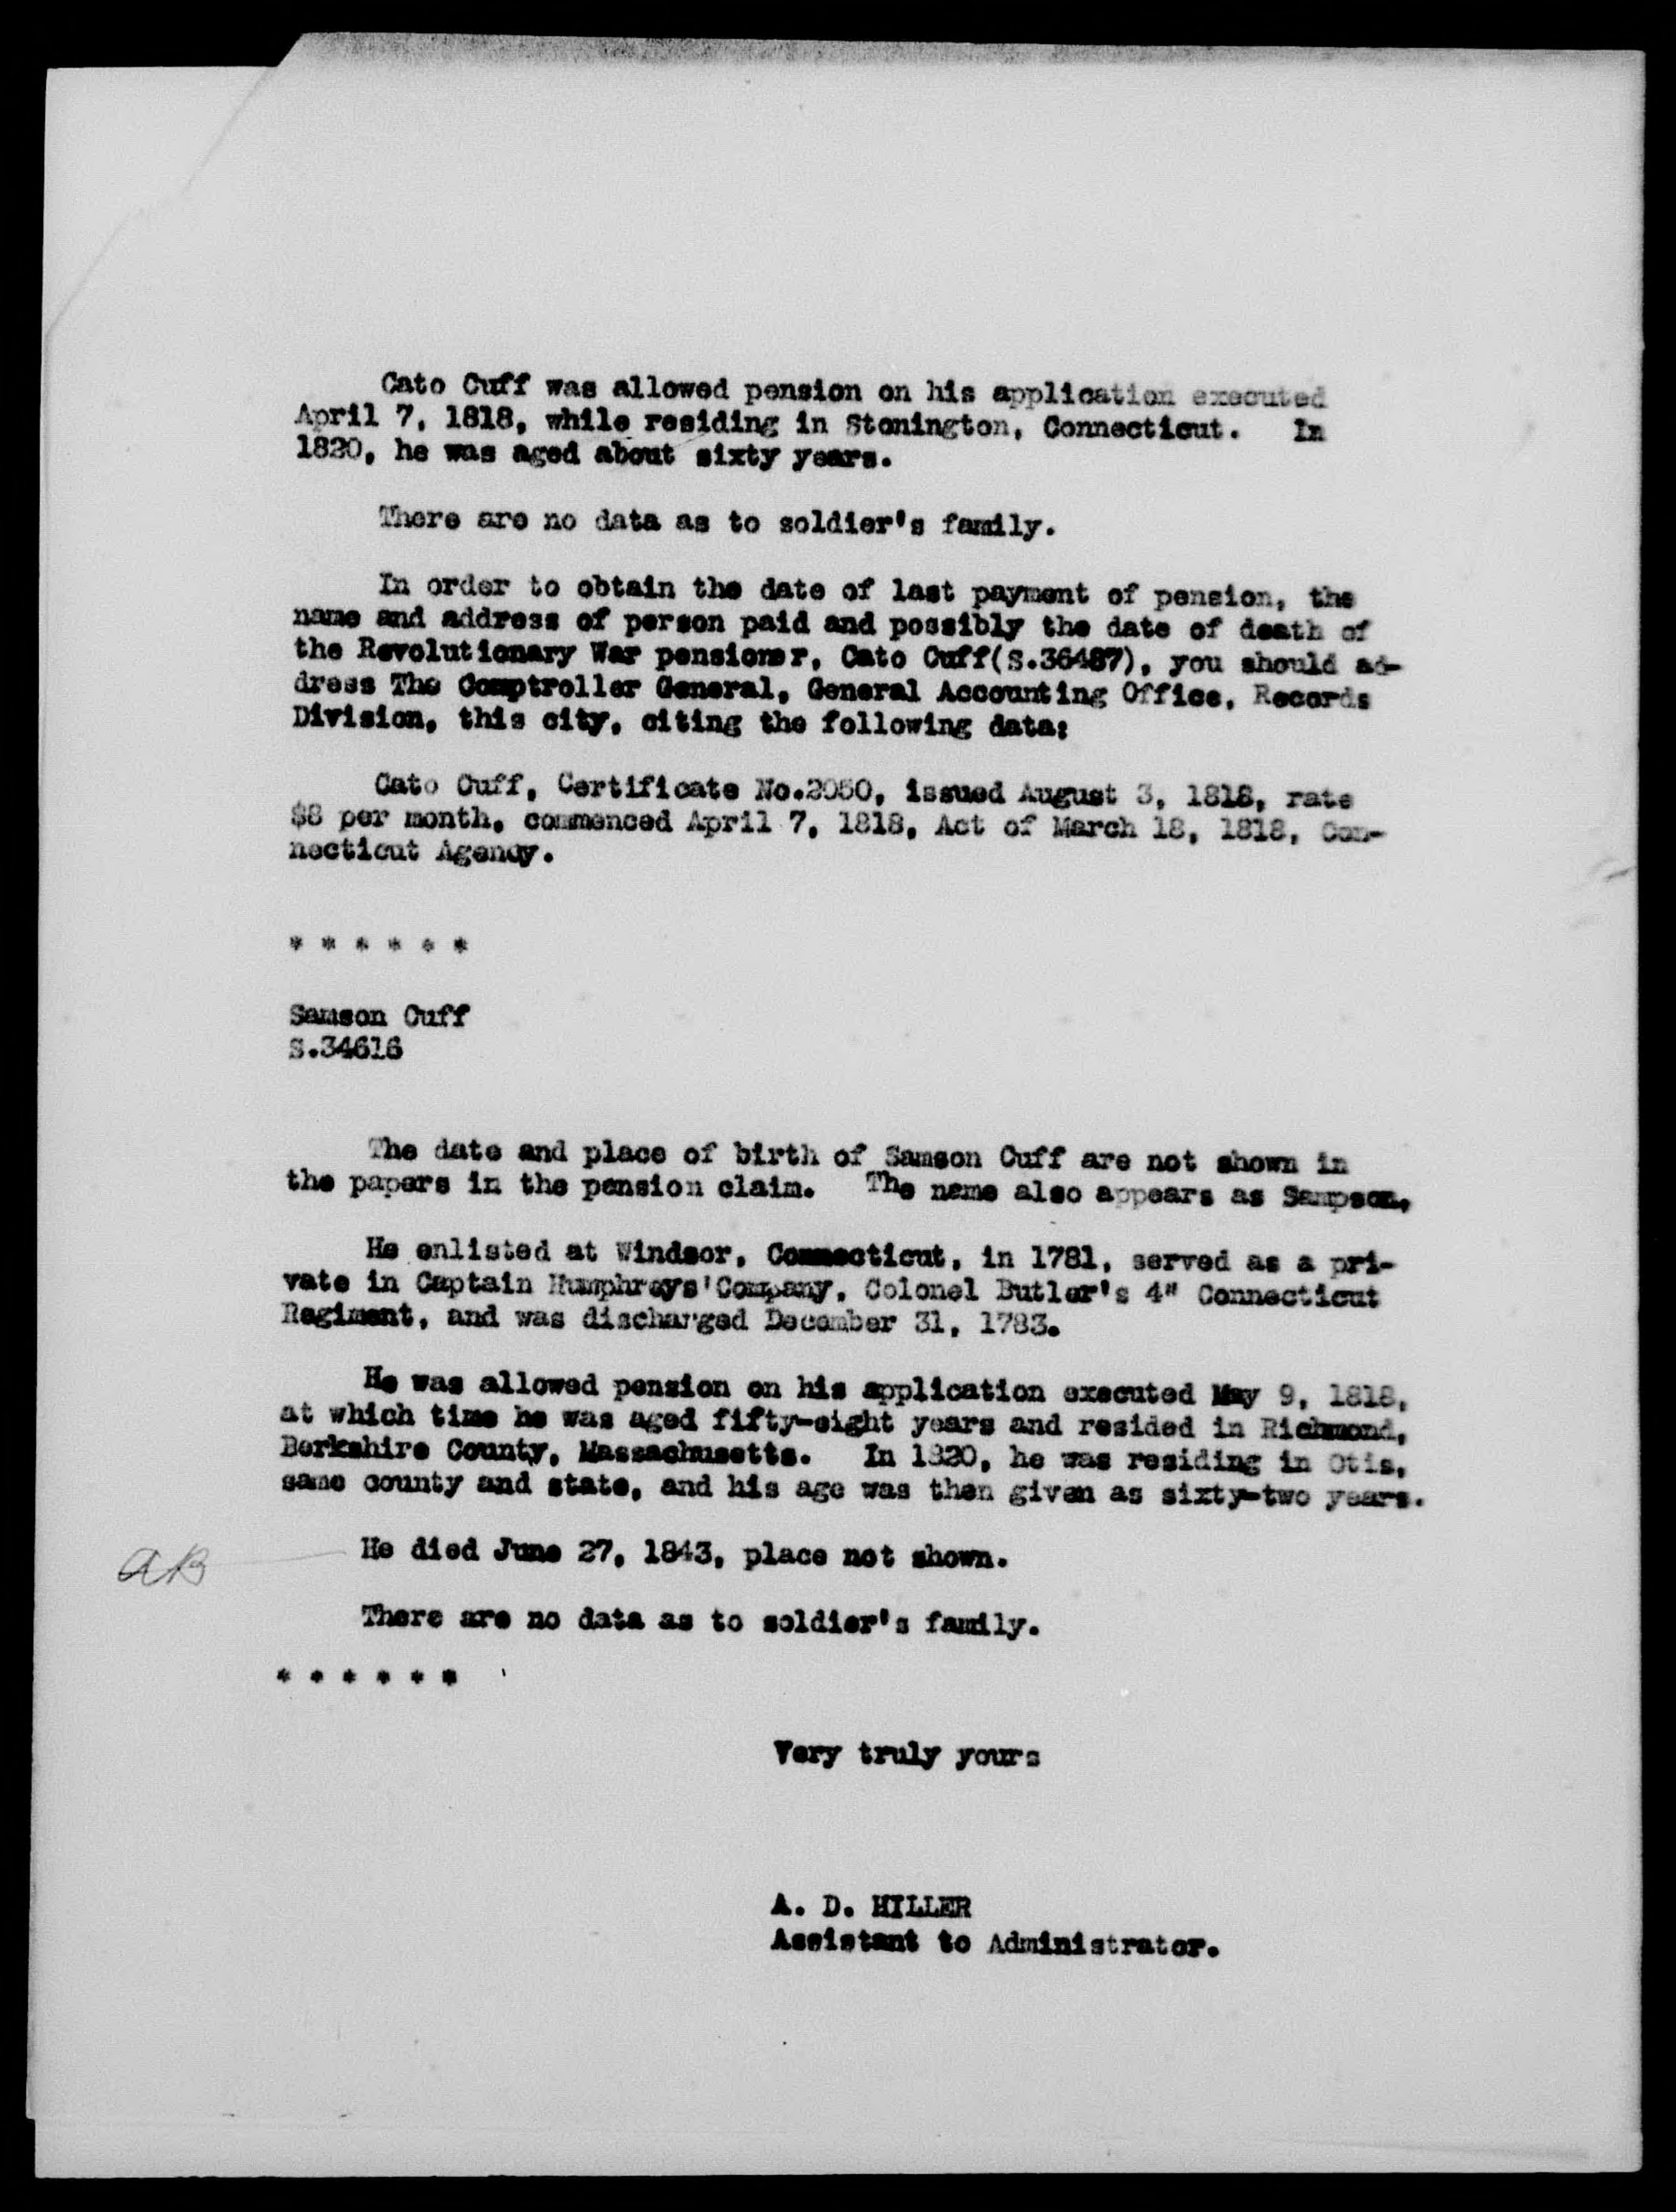Cato Cuff was allowed pension on his application executed April 7, 1818, while residing in Stonington, Connecticut. In 1820, he was aged about sixty years. 

There are no dates as to soldier's family.

In order to obtain the date of last payment of pension, the name and address of person paid and possibly the date of death of the Revolutionary Warm pensioner. Cato Cuff (S.36487), you should address The Comptroller General, General Accounting Office, Records Division, this city citing the following data:

Cato Cuff, Certificate No. 2050, issued August 3, 1818, rate $8 per month, commenced April 7, 1818, Act of March 18, 1818, Connecticut Agency.

******
Samson cuff
S.34618

The date and place of birth of Samson Cuff are not shown in the papers in the pension claim. The name also appears as Sampson.

He enlisted at Windsor, Connecticut, in 1781, served as a private in Captain Humphreys' Company, Colonel Butler's 4th Connecticut Regiment, and was discharged December 31, 1783.

He was allowed pension on his application executed May 9, 1818, at which time he was aged fifty-eight years and resided in Richmond, Berkshire County, Massachusetts. In 1820, he was residing in Otis, same county and state, and his ago was then given as sixty-two years.

[initialed] AB [end initials]

He died June 27, 1843, place not shown.

There are no data as to soldier's family.

******

A.D. HILLER
Assistant to Administrator.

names: Samson Cuff, Samson Cuff, A D Hiller, Cato Cuff, Cato Cuff, Cato Cuff, Sampson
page: 8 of 11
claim: survivor's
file: S. 34,616, Samson Cuff, Conn.